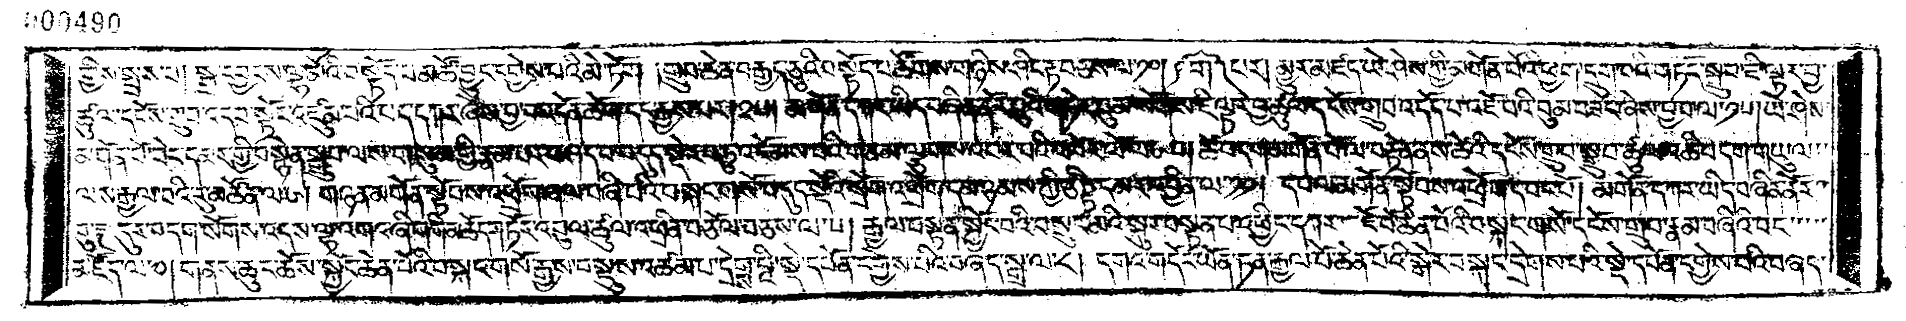གྱིས་སྤྲས་པ། སྒྲ་དབྱངས་ལྷ་མོའི་བསྟོད་པ་མཚོ་བྱུང་དགྱེས་པའི་མེ་ཏོག །གྲུབ་ཆེན་བརྒྱད་ཅུའི་བསྟོད་པ་ཚོགས་གཉིས་ཤིང་རྟ་བཅས་ལ༡༠། ༼ག༽ པར། མྱུར་མཛད་ཡེ་ཤེས་ཀྱི་མགོན་པོའི་ཕྱག་དྲུག་པའི་གཏོར་སྒྲུབ་ཇེ་ལྟར་བྱ་
ཚུལ་དངོས་གྲུབ་འདབ་སྟོང་འཛུན་པའི་པད་དཀར་ཞེས་བྱ་བ་འདོན་ཆོག་དང་རྒྱས་པར། ༢༥། མགོན་དཀར་ཡིད་བཞིན་ནོར་བུའི་གཏེར་བུམ་སོགས་ཇི་ལྟར་བྱ་ཚུལ་དངོས་གྲུབ་འདོད་པ་འཇོད་པའི་བུམ་བཟང་ཞེས་བྱ་བ་ལ༡༥། ཡེ་ཤེས་
མགོན་པོ་བདེ་དམར་གྱི་བསྙེན་སྒྲུབ་ལས་གསུམ་གྱི་རྣམ་པར་བཤད་པ་བདུད་སྡེ་རབ་ཏུ་འཇོམས་པའི་གནམ་ལྕགས་འབར་བའི་འཁོར་ལོ་ལ༦༥། ཚེ་བདག་མགོན་པོ་ལ་བརྟེན་ནས་ཚེའི་དངོས་གྲུབ་སྒྲུབ་ཚུལ་འཆི་བདག་གཡུལ་
ལས་རྒྱལ་བའི་རུ་མཚོན་ལ༦། གཉན་མགོན་སྟོབས་འཕྲོག་ཞལ་བཞི་པའི་བསྐང་གསོ་བདུད་སྡེའི་སྲོག་འཕྲོག་དམ་ཉམས་ཀྱི་ཙིཏྟ་དམར་འབྱིན་ལ༡༡། དཔལ་མགོན་སྟོབས་འཕྲོག་དབང་པོ། མགོན་དཀར་ཡིད་བཞིན་ནོར་
བུ༑ དུང་བདག་སོགས་འདས་ལྷ་འགའ་ཞིག་གི་མཆོད་གཏོར་འབུལ་ཚུལ་འཕྲིན་བཅོལ་བཅས་ལ༥། རྒྱལ་བསྟན་སྐྱོང་བའི་བསྲུང་མའི་སྐུར་བསྟན་པ་འཕྱིང་དཀར་འཇོ་བོ་ཆེན་པོའི་བསྐང་གསོ་དངོས་གྲུབ་རྣམ་བཞིའི་བང་
མཛོད་ལ༧། གནས་ཆུང་ཆོས་སྐྱོང་ཆེན་པོའི་བསྐང་གསོལ་རྒྱས་བསྡུས་འཚམ་པ་དྲེགས་པའི་སྡེ་དཔོན་དགྱེས་པའི་བཞད་སྒྲ་ལ༨། དགའ་གདོང་ཡོན་ཏན་རྒྱལ་པོ་ཆེན་པོའི་སྒེར་བསྐང་དྲེགས་པའི་སྡེ་དཔོན་དགྱེས་པའི་བཞད་